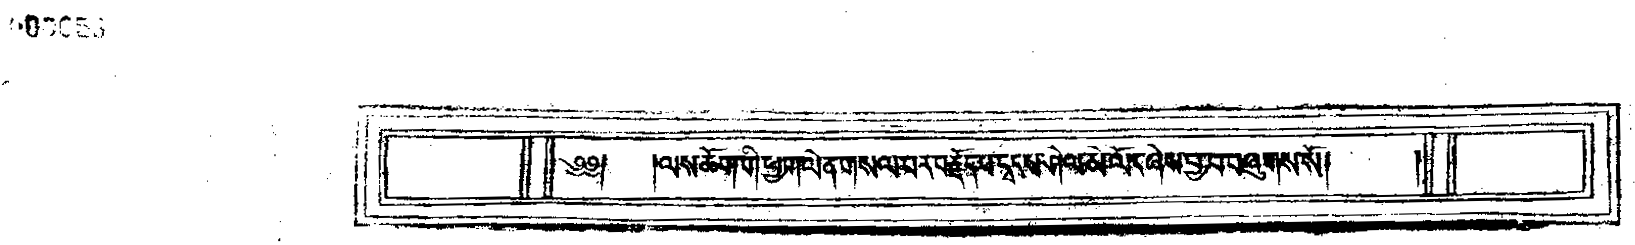༄༅། །ལས་ཆོག་གི་ཕྱག་ལེན་གསལ་བར་བརྗོད་པ་དྭངས་ཤེལ་མེ་ལོང་ཞེས་བྱ་བ་བཞུགས་སོ། །